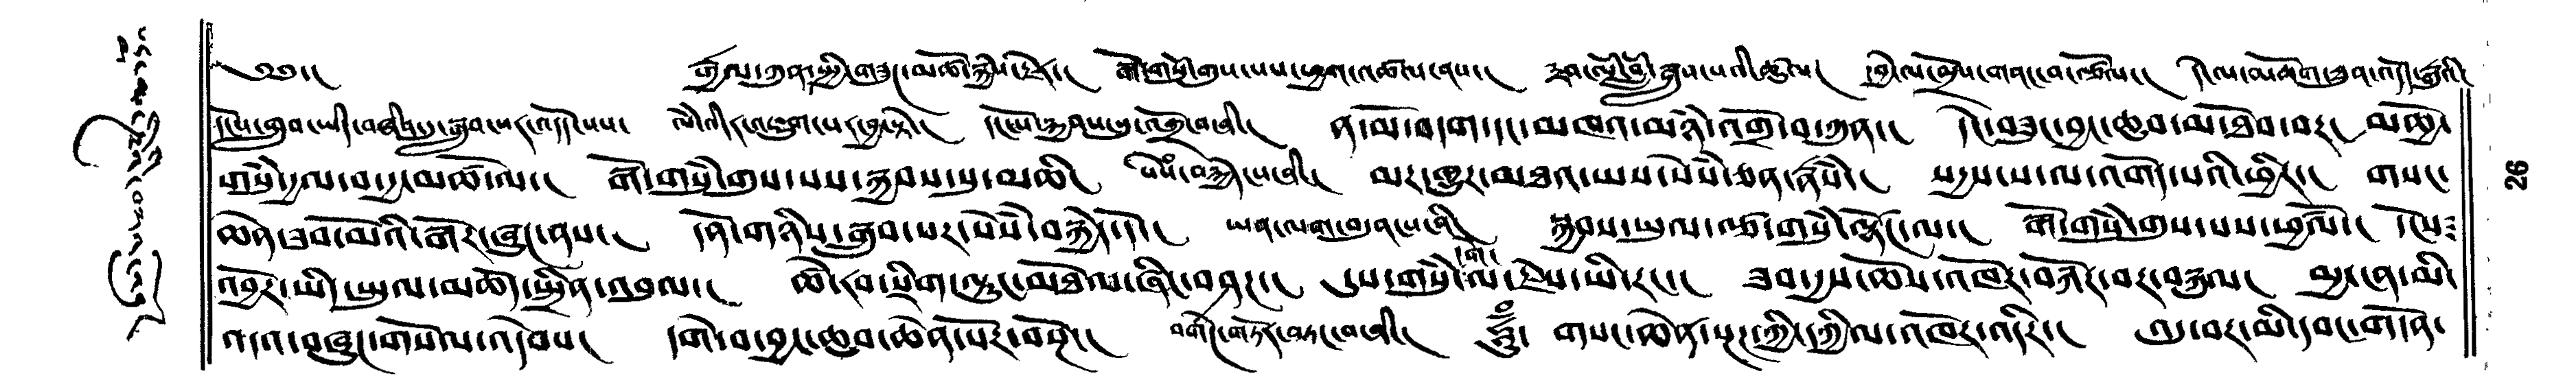རྒྱལ་ཀུན་སྤྱི་གཟུགས་མཚོ་སྐྱེས་རྗེར། །སྒོ་གསུམ་གུས་པས་ཕྱག་འཚལ་ནས། །ཟབ་ལམ་བླ་མ་སྒྲུབ་པའི་ཚུལ། །དབྱེ་ལ་མཁའ་འགྲོས་གནང་བ་སྩོལ། །དེ་ལ་མཆོག་ཐུན་འདོད་རྒུའི་
དངོས་གྲུབ་ཡིད་བཞིན་དུ་སྒྲུབ་པར་འདོད་པས། ལམ་འདིར་འཇུག་པར་བྱ་སྟེ། དང་པོ་སྐྱབས་སུ་འགྲོ་བ་ནི། ན་མོ། བདག་དང་མཁའ་མཉམ་འགྲོ་བ་ཀུན། །དེང་བཟུང་བྱང་ཆུབ་མ་ཐོབ་བར། །མཆོག་
གསུམ་རྒྱལ་བ་རྒྱ་མཚོ་ལ། །སྒོ་གསུམ་གུས་པས་སྐྱབས་སུ་མཆི། །སེམས་བསྐྱེད་པ་ནི། མར་གྱུར་མཐའ་ཡས་སེམས་ཅན་རྣམས། །སངས་རྒྱས་ས་ལ་འགོད་པའི་ཕྱིར། །གསང་
ཆེན་ཟབ་མོའི་སྒོར་ཞུགས་ནས། །དོན་གཉིས་སྒྲུབ་པར་སེམས་བསྐྱེད་དོ། །ཡན་ལག་བདུན་པ་ན ི། སྐྱབས་ཡུལ་རྩ་གསུམ་ལྷ་ཚོགས་ལ། །སྒོ་གསུམ་གུས་པས་ཕྱག་འཚལ་ལོ། །དངོས་
འབྱོར་ཡིད་སྤྲུལ་མཆོད་སྤྲིན་འབུལ། །ཚེ་རབས་སྡིག་ལྟུང་མཐོལ་ཞིང་བཤགས། །དུས་གསུམ་དགེ་ལ་རྗེས་ཡི་རང་། །ཟབ་རྒྱས་ཆོས་འཁོར་སྐོར་བར་སྐུལ། །མྱ་ངན་མི་
འདའ་བཞུགས་གསོལ་འདེབས། །དགེ་བ་བྱང་ཆུབ་ཆེན་པོར་བསྔོ། །བགེགས་གཏོར་གཏོང་བ་ནི། ཧཱུྃ། གསང་ཆེན་སྔགས་ཀྱི་དཀྱིལ་འཁོར་འདིར། །འདུ་བར་མི་དབང་གདོན་